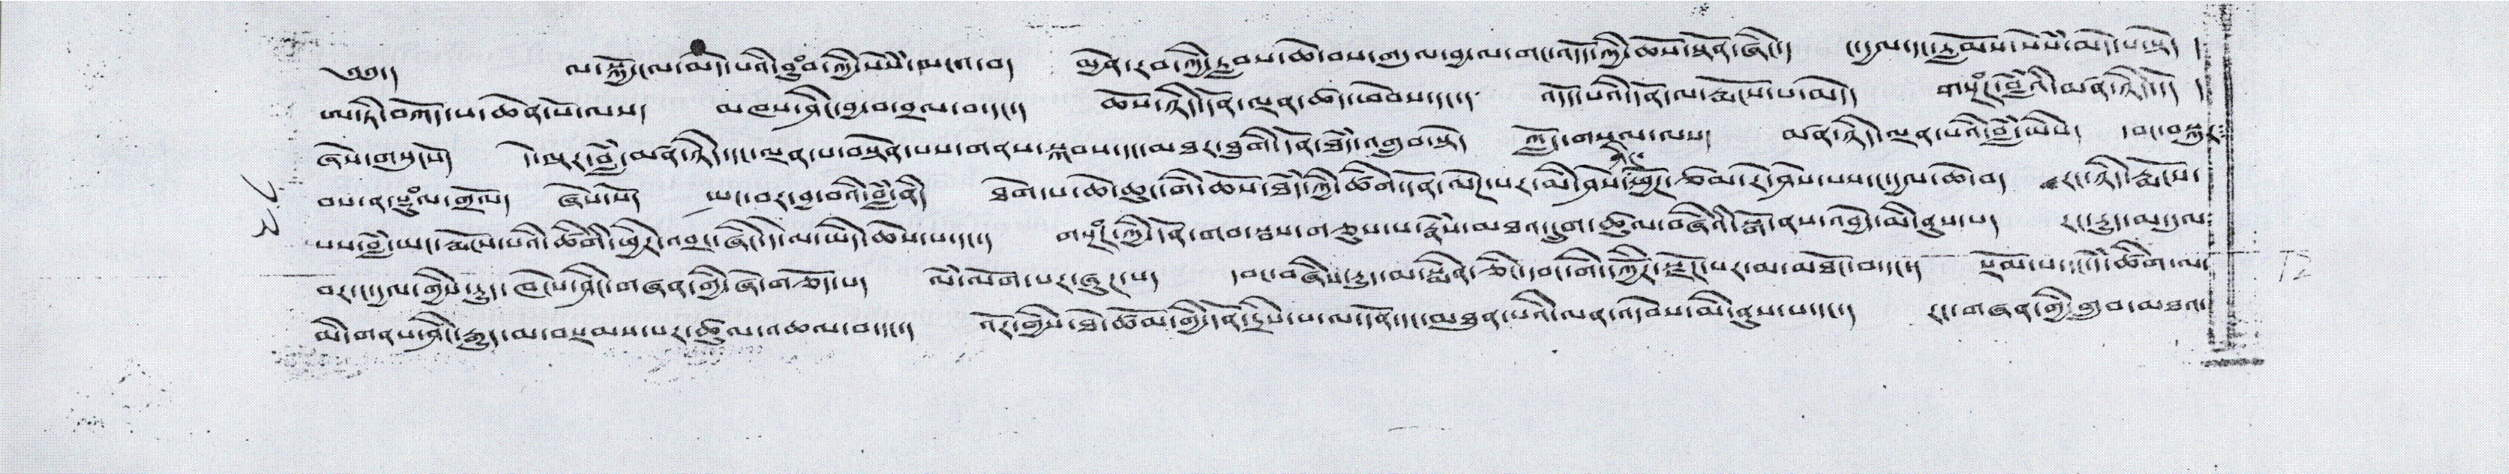ལ་སྐྱོ་ངལ་མེད་པའི་བྱང་ཆུབ་ཀྱི་སེམས་མངའ་བ། མཁྱེན་རབ་ཀྱི་རླབས་ཆེ་བས་གདུལ་བྱ་ལ་གང་འདོད་ཀྱི་ཆོས་སྟོན་ཞིང་། ང་རྒྱལ་དང་རློམ་སེམས་མེད་པ་སྟེ། 
ཨ་ཏི་བཀོད་པ་ཆེན་པོ་ལས། མཁས་ཤིང་བྱ་བ་བྲལ་བ་དང་། ཆོས་ཉིད་དོན་ལྡན་ཚད་ཕེབས་དང་། འདོད་པའི་དོན་ལ་རྨོངས་པ་མེད། །གསང་སྔགས་བླ་མའི་མཚན་ཉིད་དོ། །
ཞེས་གསུངས་སོ། །དེ་ལྟར་བླ་མ་མཚན་ཉིད་དང་ལྡན་པ་བསྟེན་པས། གནས་སྐབས་དང་མཐར་ཐུག་གི་དོན་ཐམས་ཅད་འགྲུབ་སྟེ། ཀློང་གསལ་ལས། མཚན་ཉིད་ལྡན་པའི་བླ་མ་ཡིས། དབང་བསྐུར་
བས་ན་སྡུག་བསྔལ་གྲོལ། །ཞེས་སོ། སྤང་བར་བྱ་བའི་བླ་མ་ནི། ཐེག་པ་ཆེ་ཆུང་གི་ཆོས་ཐམས་ཅད་ཀྱི་ཚིག་དོན་ལེགས་པར་མི་ཤེས་ཤིང་ཕྱོགས་ཙམ་རེ་ཤེས་པས་ང་རྒྱལ་ཆེ་བ། རང་ཉིད་རྨོངས་
པས་བླ་མ་ཡང་རྨོངས་པའི་ཚིག་ཕྱིར་འབྲངས་ཤིང་དེ་ལ་ཡིད་ཆེས་པ་དང་། གསང་སྔགས་ཀྱི་དོན་གབ་སྦས་གཅུས་པ་རྣམས་མཐའ་དྲུག་ཚུལ་བཞིས་སྒོ་ནས་འབྱེད་མི་ནུས་པ། རང་རྒྱུད་མ་དུལ་
བར་ང་རྒྱལ་གྱིས་རྒྱུད་ཁེངས་ཤིང་གཞན་གྱི་ཞེ་གཅོད་པ། ལམ་ལོག་པར་ཞུགས་པ། དབང་བཞིིའི་རྒྱུད་མ་སྨིན་ཅིང་དབང་གི་དཀྱིལ་འཁོར་རྫོགས་པར་མ་མཐོང་བ་དང་། སྡོམ་པ་དང་དམ་ཚིག་ལ་
མི་གནས་ཤིང་རྒྱུད་མ་བསྡམས་པས་ཚུལ་འཆལ་བ་དང་། འཁོར་གྱིས་ཐེ་ཚོམ་གྱི་དོན་དྲིས་པ་ལ་དོན་དང་མཐུན་པའི་ལན་འདེབས་མི་ནུས་པ་དང་། རང་གཞན་གྱི་གྲུབ་མཐའ་